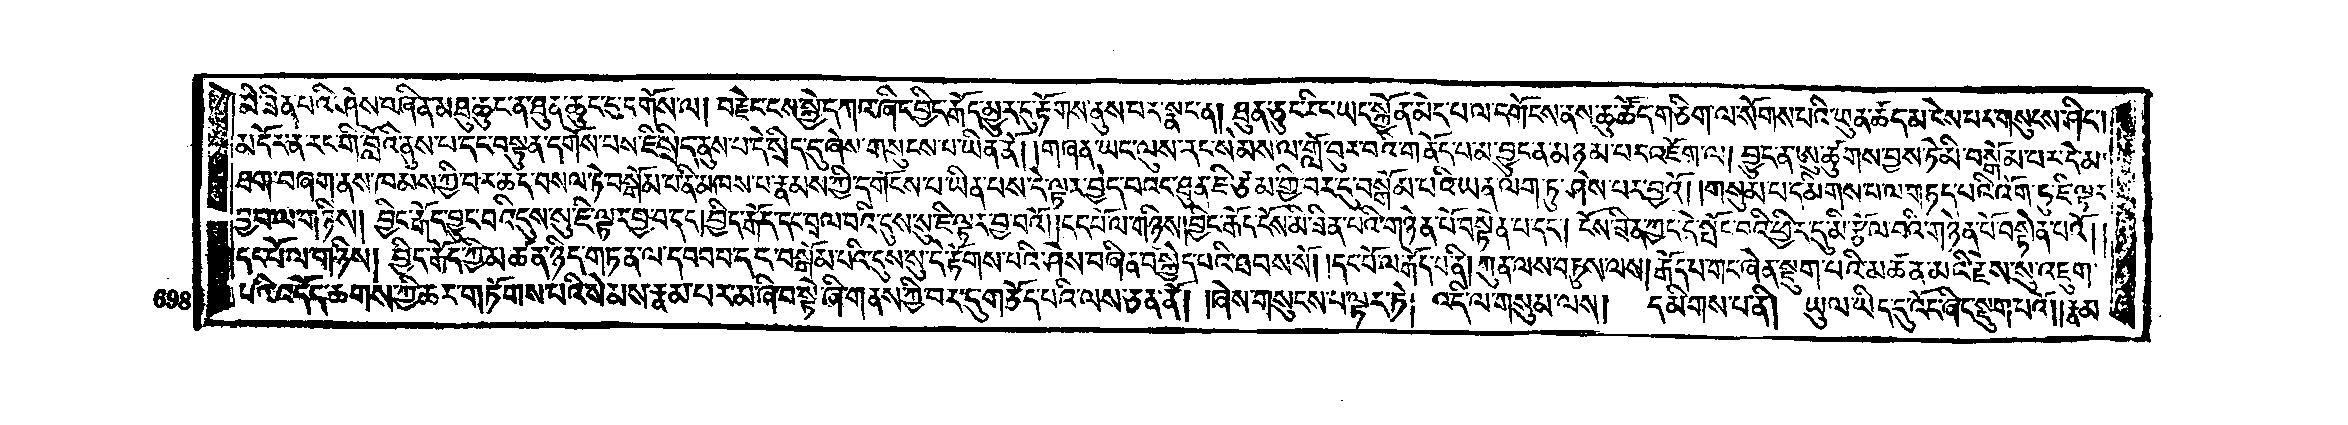མི་ཟིན་པའི་ཤེས་བཞིན་མཐུ་ཆུང་ན་ཐུན་ཆུང་ངུ་དགོས་ལ། བརྗེད་ངས་སྐྱེ་དཀའ་ཞིང་བྱིང་རྒོད་མྱུར་དུ་རྟོགས་ནུས་པར་སྣང་ན། ཐུན་ཅུང་རིང་ཡང་སྐྱོན་མེད་པ་ལ་དགོངས་ནས་ཆུ་ཚོད་གཅིག་ལ་སོགས་པའི་ཡུན་ཚད་མ་ངེས་པར་གསུངས་ཤིང་།
མདོར་ན་རང་གི་བློའི་ནུས་པ་དང་བསྟུན་དགོས་པས་ཇི་སྲིད་ནུས་པ་དེ་སྲིད་དུ་ཞེས་གསུངས་པ་ཡིན་ནོ། །གཞན་ཡང་ལུས་དང་སེམས་ལ་གློ་བུར་བའི་གནོད་པ་མ་བྱུང་ན་མཉམ་པར་འཇོག་ལ། བྱུང་ན་ཨུ་ཚུགས་བྱས་ཏེ་མི་བསྒོམ་པར་དེ་མ་
ཐག་བཞག་ནས་ཁམས་ཀྱི་བར་ཆད་བསལ་ཏེ་བསྒོམ་པ་ནི་མཁས་པ་རྣམས་ཀྱི་དགོངས་པ་ཡིན་པས་དེ་ལྟར་བྱེད་པའང་ཐུན་ཇི་ཙམ་གྱི་བར་དུ་བསྒོམ་པའི་ཡན་ལག་ཏུ་ཤེས་པར་བྱའོ། །གསུམ་པ་དམིགས་པ་ལ་གཏད་པའི་འོག་ཏུ་ཇི་ལྟར་
བྱ་བ་ལ་གཉིས། བྱིང་རྒོད་བྱུང་བའི་དུས་སུ་ཇི་ལྟར་བྱ་བ་དང་། བྱིང་རྒོད་དང་བྲལ་བའི་དུས་སུ་ཇི་ལྟར་བྱ་བའོ། །དང་པོ་ལ་གཉིས། བྱིང་རྒོད་ངོས་མི་ཟིན་པའི་གཉེན་པོ་བསྟེན་པ་དང་། ངོས་ཟིན་ཀྱང་དེ་སྤོང་བའི་ཕྱིར་དུ་མི་རྩོལ་བའི་གཉེན་པོ་བསྟེན་པའོ། །
དང་པོ་ལ་གཉིས། བྱིང་རྒོད་ཀྱི་མཚན་ཉིད་གཏན་ལ་དབབ་པ་དང་། བསྒོམ་པའི་དུས་སུ་དེ་རྟོགས་པའི་ཤེས་བཞིན་བསྐྱེད་པའི་ཐབས་སོ། །དང་པོ་ལ་རྒོད་པ་ནི། ཀུན་ལས་བཏུས་ལས། རྒོད་པ་གང་ཞེ་ན་སྡུག་པའི་མཚན་མའི་རྗེས་སུ་འཇུག་
པའི་འདོད་ཆགས་ཀྱི་ཆར་གཏོགས་པའི་སེམས་རྣམ་པར་མ་ཞི་བ་སྟེ་ཞི་གནས་ཀྱི་བར་དུ་གཅོད་པའི་ལས་ཅན་ནོ། །ཞེས་གསུངས་པ་ལྟར་ཏེ། འདི་ལ་གསུམ་ལས། དམིགས་པ་ནི། ཡུལ་ཡིད་དུ་འོང་ཞིང་སྡུག་པའོ། །རྣམ་